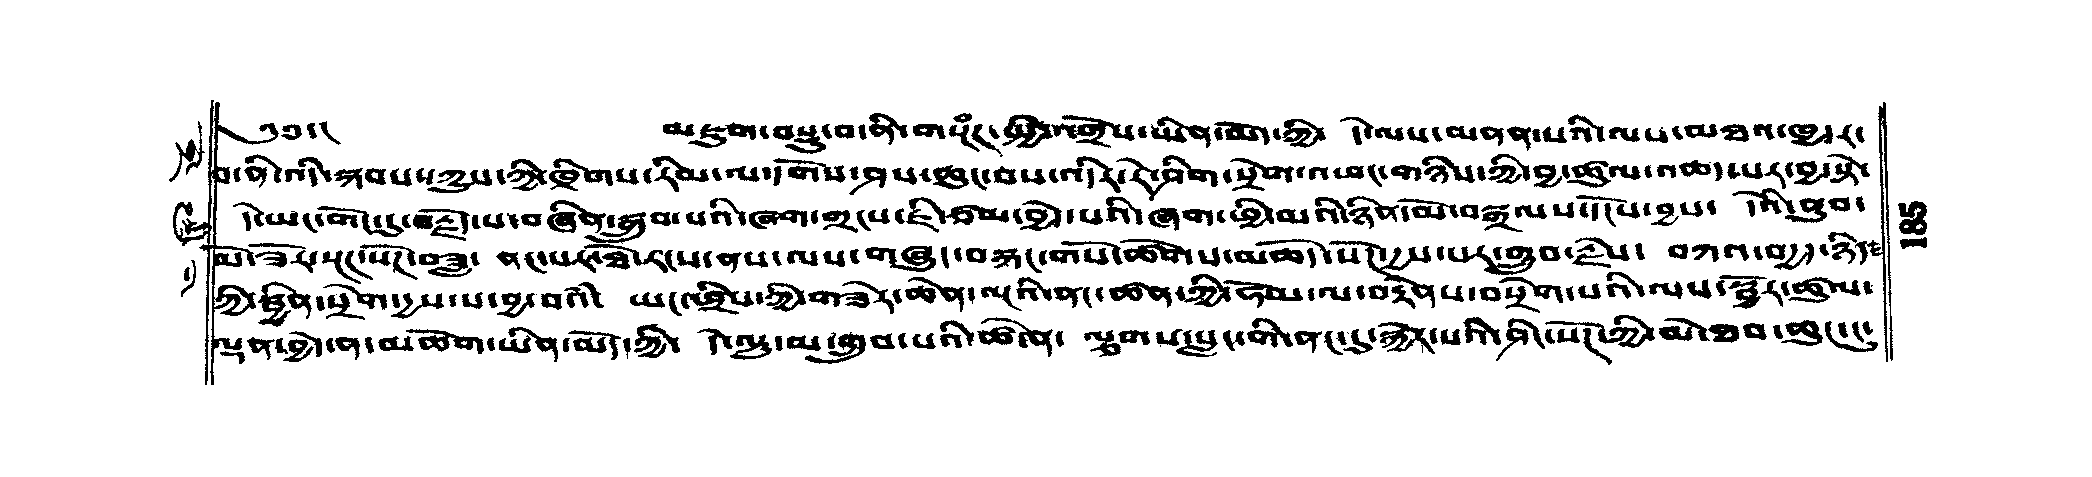མཇུག་བསྡུ་བ་ནི་གསང་སྔགས་སྤྱི་འགྲོས་ཡིན་མོད་ཀྱི། དེ་ལས་མནན་པའི་ལས་མཐའ་ཁྱད་པར་
བ་ནི་སྐབས་དཀྱུས་ཀྱི་ཁྲིགས་རིམ་ལ་དགོས་ཤས་ཆུང་བས་འདིར་རེ་ཤིག་སྲེག་འཕང་གཉིས་ཀྱི་བྱ་ཚུལ་འཆད་པར་བྱ་སྟེ། 
དེ་ཡང་གོང་དུ་བརྗོད་པ་བཞིན་སྒྲུབ་པའི་ཞག་གྲངས་ཇི་ཙམ་བྱེད་པའི་ཞག་ཕྱི་མའི་དང་པོ་བསྒྲལ་ལས་དངོས་བྱས། དེའི་ནུབ་
མོ་ཟོར་སྔགས་སོགས་བཟླ། ནང་པར་ཐོ་རངས་ནས་ལས་གཞུང་བསྐང་གསོ་ཚོགས་མཆོད་སོགས་རྒྱས་པར་གྲུབ་རྗེས། བཀའ་བརྒྱད་ཉིད་
ཀྱི་སྦྱིན་སྲེག་རྒྱས་པ་བྱ་བའམ། ཡང་ཕྲིན་ལས་ཀྱི་གཟེར་ཆེན་ལྔའི་ནང་ཚན་ཀྱི་ཧོམ་ལ་བརྟེན་ནས་བསྲེག་པའི་ལས་སྦྱོར་ཚུལ་
ལྡན་བྱེད་ན་མཆོག་མོད་ཀྱི། དེ་ལྟ་བུ་མ་གྲུབ་པའི་ཚེ་ན། ལྕགས་སླང་གི་ནང་དུ་སྐྱེར་པའི་ཤིང་སོགས་ཀྱི་མེ་ཐབ་ཆུང་ངུ་